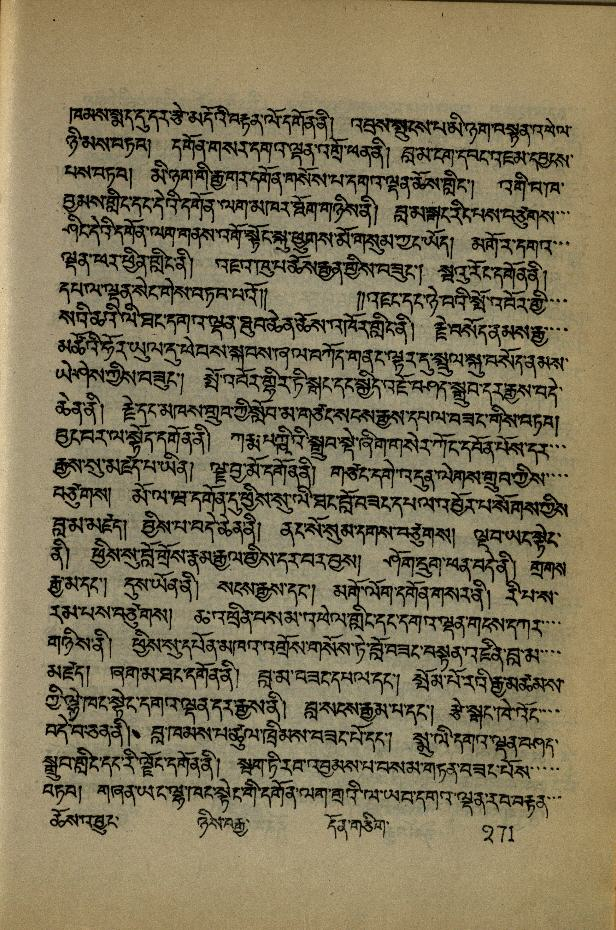ཁམས་སྨད་དུ་དར་རྩེ་མདོའི་བརྟན་ལོ་དགོན་ནི། འབྲས་སྤུངས་པ་མི་ཉག་བསྟན་འཕེལ་
ཉི་མས་བཏབ། དགོན་གསར་དགའ་ལྡན་འགྲོ་ཕན་ནི། བླ་མ་ངག་དབང་འཇམ་དབྱངས་
པས་བཏབ། མི་ཉག་གི་རྒྱ་གར་དགོན་གསོས་པ་དགའ་ལྡན་ཆོས་གླིང་། འགི་བ་ཁ་
བྱམས་གླིང་དང་དེའི་དགོན་ལག་མཁར་ཐོག་གཉིས་ནི། བླ་མ་སྒང་རིང་པས་བཙུགས་
ཤིང་དེའི་དགོན་ལག་གནས་འོག་སྟོང་སྐུ་ཕྱུགས་མོ་གསུམ་ཀྱང་ཡོད། མགོར་དགའ་
ལྡན་ཕར་ཕྱིན་གླིང་ནི། འཇའ་ཁུ་པ་ཆོས་རྒྱན་གྱིས་བཟུང་། སྤའུ་རོང་དགོན་ནི།
དཔལ་ལྡན་སེང་གེས་བཏབ་པའོ།། །།འཇང་དང་ཉེ་བའི་སྤོ་འབོར་གྱི་
སའི་ཆའི་ལི་ཐང་དགའ་ལྡན་ཐུབ་ཆེན་ཆོས་འཁོར་གླིང་ནི། རྗེ་བསོད་ནམས་རྒྱ་
མཚོའི་ཧོར་ཡུལ་དུ་ཕེབས་སྐབས་ཞལ་བཀོད་གནང་ལྟར་དུ་སྤྲུལ་སྐུ་བསོད་ནམས་
ཡེ་ཤེས་ཀྱིས་བཟུང་། སྤོ་འབོར་གྷིར་ཏི་སྒང་དང་སྐྱིད་འཇོ་བཤད་སྒྲུབ་དར་རྒྱས་བདེ་
ཆེན་ནི། རྗེ་དང་མཁས་གྲུབ་ཀྱི་སློབ་མ་གཙང་སངས་རྒྱས་དཔལ་བཟང་གིས་བཏབ།
བྱང་བར་ལ་སྟོད་དགོན་ནི། ཀརྨ་པཀྵིའི་སྒྲུབ་སྡེ་ཞིག་གསེར་ཀོང་དབོན་པོས་དར་
རྒྱས་སུ་མཛད་པ་ཡིན། ལྗ་བྱ་མོ་དགོན་ནི། གཙང་དགེ་འདུན་ལེགས་གྲུབ་ཀྱིས་
བཙུགས། མོ་ལ་ཝ་དགོན་དུ་ཕྱིས་སུ་ལི་ཐང་བློ་བཟང་དཔལ་འབྱོར་པ་སོགས་ཀྱིས་
བླ་མ་མཛད། བྱིས་པ་བདེ་ཆེན་ནི། ནང་སོ་སུམ་དགས་བཙུགས། ལྔ་བ་ཡང་སྟེང་
ནི། ཕྱིས་སུ་བློ་གྲོས་རྣམ་རྒྱལ་གྱིས་དར་བར་བྱས། ཤོག་དྲུག་ཕན་བདེ་ནི། གྲགས་
རྒྱ་མ་དང་། དུས་ཡོན་ནི། སངས་རྒྱས་དང་། མགོ་ལོག་དགོན་གསར་ནི། རི་པ་ས་
རམ་པས་བཙུགས། ཆ་འཕྲིན་བསམ་འཕེལ་གླིང་དང་དགའ་ལྡན་གངས་དཀར་
གཉིས་ནི། ཕྱིས་སུ་དཔོན་མཁའ་འགྲོས་གསོས་ཏེ་བློ་བཟང་བསྟན་འཛིན་བླ་མ་
མཛད། ཞག་མ་ཐང་དགོན་ནི། བླ་མ་བཟང་དཔལ་དང་། སྤོམ་པོ་རའི་རྒྱ་མཚམས་
ཀྱི་ལྷེ་ཁང་སྟེང་དགའ་ལྡན་དར་རྒྱས་ནི། བླ་སངས་རྒྱས་པ་བདང་། རྩེ་སྒང་ཁེ་འོང་
བདེ་བ་ཅན་ནི། བླ་ཁམས་པ་ཚུལ་ཁྲིམས་བཟང་པོ་དང་། སྨུ་ལི་དགའ་ལྡན་བཤད་
སྒྲུབ་གླིང་དང་རི་ལྗོང་དགོན་ནི། སྦག་ཏི་རབ་འབྱམས་པ་བསམ་གཏན་བཟང་པོས་
བཏབ། གཞན་ཡང་ལྷ་ཁང་སྟེང་གི་དགོན་ལག་གྲའི་ལ་ཡབ་དགའ་ལྡན་རབ་བརྟན་